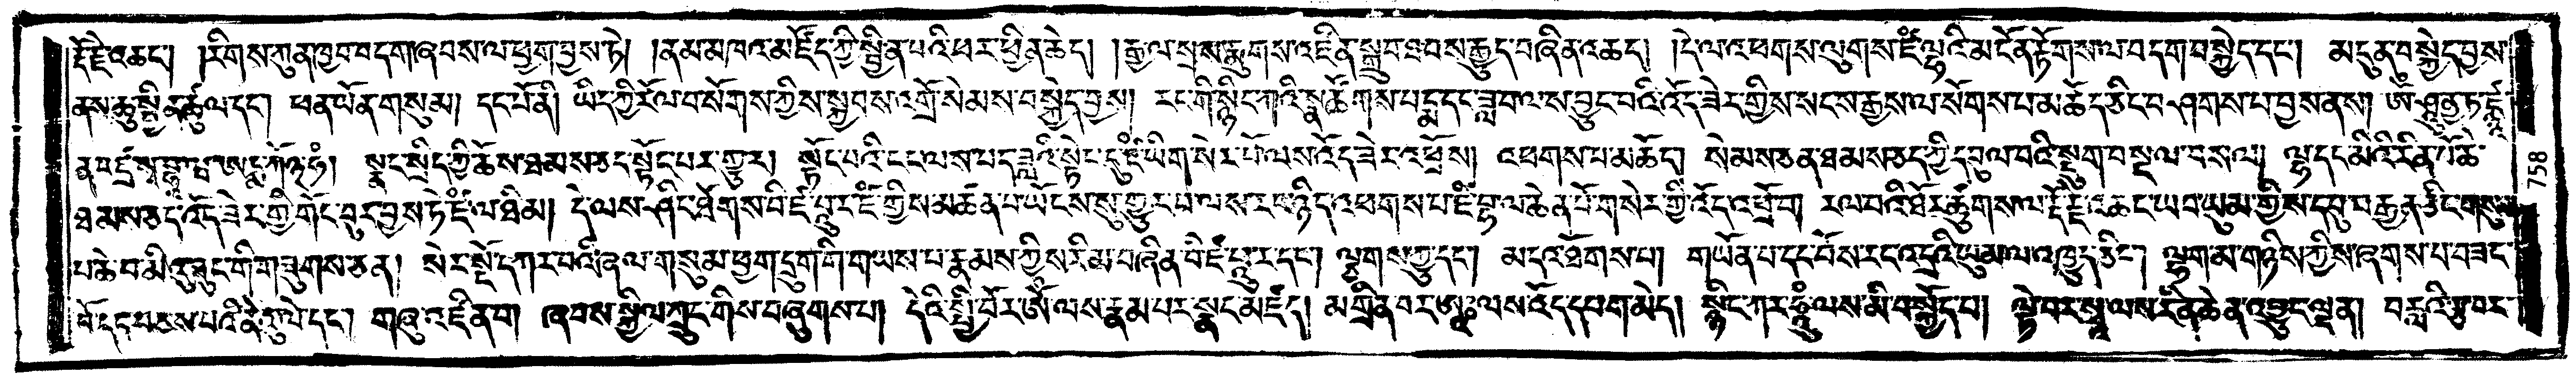རྡོ་རྗེ་འཆང་། །རིགས་ཀུན་ཁྱབ་བདག་ཞབས་ལ་ཕྱག་བྱས་ཏེ། །ནམ་མཁའ་མཛོད་ཀྱི་སྦྱིན་པའི་ཕར་ཕྱིན་ཆེད། །རྒྱལ་སྲས་རྨུགས་འཛིན་སྒྲུབ་ཐབས་རྒྱུད་བཞིན་འཆད། །དེ་ལ་འཕགས་ལུགས་ཛི་ལྷའི་མངོན་རྟོགས་ལ་བདག་བསྐྱེད་དང་། མདུན་དུ་བསྐྱེད་བྱས་
ནས་ཆུ་སྦྱིན་ཚུལ་དང་། ཕན་ཡོན་གསུམ། དང་པོ་ནི། ཡིད་ཀྱི་རོལ་བ་སོགས་ཀྱིས་སྐྱབས་འགྲོ་སེམས་བསྐྱེད་བྱས། རང་གི་སྙིང་ཀའི་སྣ་ཚོགས་པདམ་དང་ཟླ་བ་ལས་བྱུང་བའི་འོད་ཟེར་གྱིས་སངས་རྒྱས་ལ་སོགས་པ་མཆོད་ཅིང་བཤགས་པ་བྱས་ནས། ཨོཾ་ཤཱུ་ནྱ་ཏ་ཛྙའ་
ན་བཛྲ་སྭ་ཧཱ་ཝ་ཨདམ་ཀོ་ཉ་ཧཾ། སྣང་སྲིད་ཀྱི་ཆོས་ཐམས་ཅད་སྟོང་པར་གྱུར། སྟོང་པའི་ངང་ལས་པད་ཟླའི་སྟོང་དུ་ཛཾ་ཡིག་སེར་པོ་ལས་འོད་ཟེར་འཕྲོས། འཕགས་པ་མཆོད། སེམས་ཅན་ཐམས་ཅད་ཀྱི་དབུལ་བའི་སྡུག་བསྔལ་བསལ། ལྷ་དང་མིའི་རིན་པོ་ཆེ་
ཐམས་ཅད་འོད་ཟེར་གྱི་གོང་བུར་བྱས་ཏེ་ཛཾ་ལ་ཐིམ། དེ་ལས་ཤིང་ཐོགས་བི་ཛ་པཱུ་ར་ཛ་གྱིས་མཚན་པ་ཡོངས་སུ་གྱུར་པ་ལས་རང་ཉིད་འཕགས་པ་ཛ་བྷ་ལ་ཆེན་པོ་གསེར་གྱི་འོད་འཕྲོ་བ། རལ་བའི་ཐོར་ཚུགས་ལ་རྡོ་རྗེ་འཆང་ཡང་ཡབ་ཡུམ་གྱིས་དབུ་བརྒྱན་ཅིང་གསུམ་
པ་ཆེ་བ་མིའུ་ཐུང་གི་གཟུགས་ཅན། སེར་སྔོ་དཀར་པའི་ཞལ་གསུམ་ཕྱག་དྲུག་གི་གཡས་པ་རྣམས་ཀྱིས་རིམ་བཞིན་བི་ཛ་པཱུ་ར་དང་། ལྕགས་ཀྱུ་དང་། མདའ་ཐོགས་པ། གཡོན་པ་དང་པོས་རང་འདྲའི་ཡུམ་ལ་འཁྱུད་ཅིང་། ལྷག་མ་གཉིས་ཀྱིས་ཞགས་པ་བཟང་
བོ་དང་བཅས་པའི་ནེའུ་ལེ་དང་། གཞུ་འཛིན་པ། ཞབས་སྐྱིལ་ཀྲུང་གིས་བཞུགས་པ། དེའི་སྤྱི་བོར་ཨོཾ་ལས་རྣམ་པར་སྣང་མཛད། མགྲིན་བར་ཨཱཿ ལས་འོད་དཔག་མེད། སྙིང་ཀར་ཧཱུཾ་ལས་མི་བསྐྱོད་པ། ལྟེ་བར་སྭཱ་ལས་རིན་ཆེན་འབྱུང་ལྡན། བརླའི་རྩ་བར་